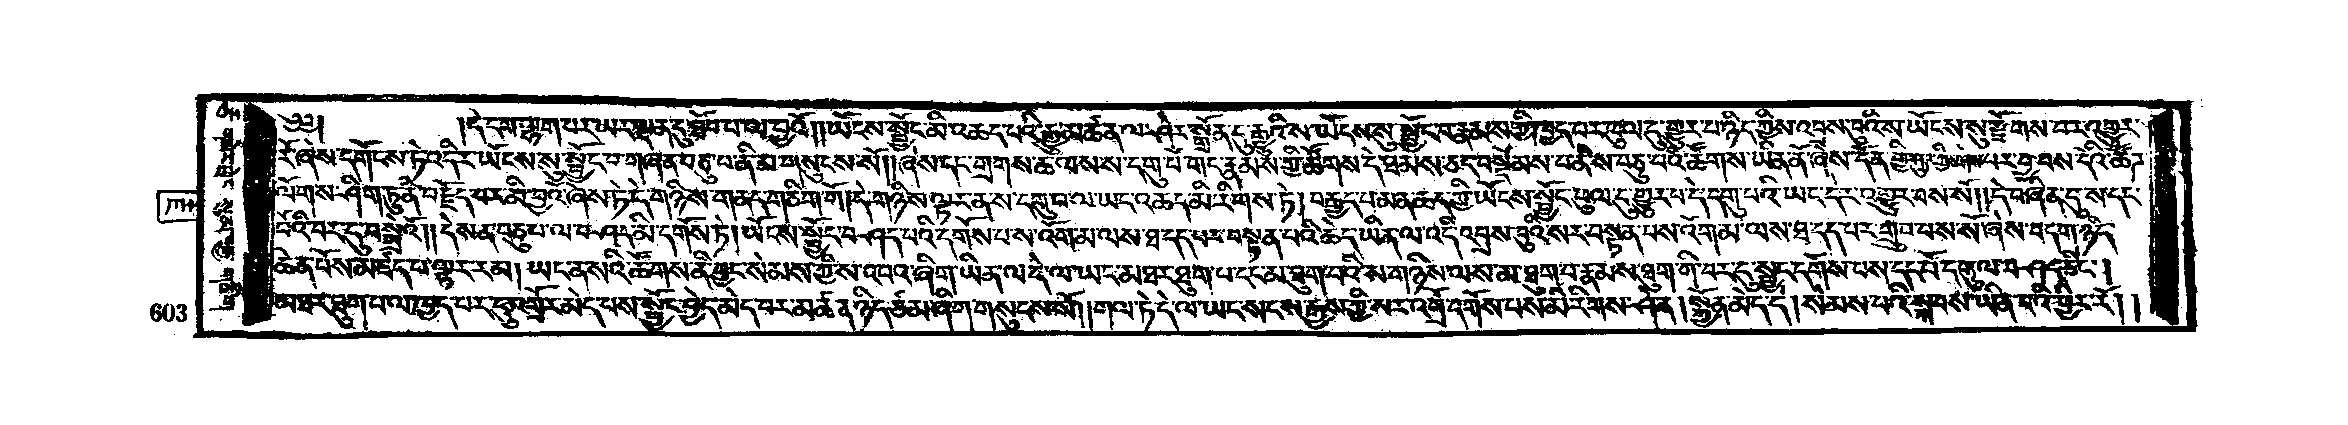༄༅། །དེ་དག་ལྷག་པར་ཡར་ལྡན་དུ་ཐོབ་པ་ལ་བྱའོ། །ཡོངས་སྦྱོང་མི་འཆད་པའི་རྒྱུ་མཚན་ལ་ཤེར་སྒྲོན་དུ་རྒྱུའི་ས་ཡོངས་སུ་སྦྱོང་བ་རྣམས་ཀྱི་ཁྱད་པར་ཕུལ་དུ་གྱུར་པ་ཉིད་ཀྱིས་འབྲས་བུའི་ས་ཡོངས་སུ་རྫོགས་པར་འགྱུར་
རོ་ཞེས་དགོངས་ཏེ་འདིར་ཡོངས་སུ་སྦྱོང་བ་གཞན་བཅུ་པ་ནི་མ་གསུངས་སོ། །ཞེས་དང་གྲགས་ཆ་ལས་ས་དགུ་པོ་གང་རྣམས་ཀྱི་ཚོགས་དེ་ཐམས་ཅད་བསྡོམས་པ་ནི་ས་བཅུ་པའི་ཚོགས་ཡིན་ནོ་ཞེས་དོན་གྱི་ཤུགས་ཀྱིས་ཤེས་པར་བྱ་བས་དེའི་ཚོགས་
ལོགས་ཤིག་ཏུ་ནི་བརྗོད་པར་མི་བྱའོ་ཞེས་ཏེ་དེ་གཉིས་གནད་གཅིག་གོ །དེ་གཉིས་ལྟར་ན་ས་དགུ་པ་ལ་ཡང་འཆད་མི་རིགས་ཏེ། བརྒྱད་པ་མན་ཆད་ཀྱི་ཡོངས་སྦྱོང་ཕུལ་དུ་གྱུར་པ་དེ་དགུ་པའི་ཡང་དེར་འགྱུར་བས་སོ། །དེ་བཞིན་དུ་ས་དང་
པོའི་བར་དུ་བསྒྲེའོ། །དེས་ན་བཅུ་པ་ལ་བཤད་མི་དགོས་ཏེ། ཡོངས་སྦྱོང་བཤད་པའི་དགོས་པ་ས་འོག་མ་ལས་ཐ་དད་པར་བསྟན་པའི་ཆེད་ཡིན་ལ་འདི་འབྲས་བུའི་སར་བསྟན་པས་འོག་མ་ལས་ཐ་དད་པར་གྲུབ་པས་སོ་ཞེས་བདག་ཉིད་
ཆེན་པོས་མཛད་པ་ལྟར་རམ། ཡང་ན་སའི་ཚོགས་ནི་བྱང་སེམས་ཀྱི་ས་འབའ་ཞིག་ཡིན་ལ་དེ་ལ་ཡང་མཐར་ཐུག་པ་དང་མ་ཐུག་པའི་ས་གཉིས་ལས་མ་ཐུག་པ་རྣམས་ཐུག་གི་བར་དུ་སྦྱང་དགོས་པས་དང་པོ་དགུ་ལ་བཤད་ཅིང་།
མཐར་ཐུག་པ་ལ་ཁྱད་པར་དུ་འགྲོར་མེད་པས་སྦྱོང་བྱེད་མེད་པར་མཚན་ཉིད་ཙམ་ཞིག་གསུངས་སོ། །གལ་ཏེ་དེ་ལ་ཡང་སངས་རྒྱས་ཀྱི་སར་འགྲོ་དགོས་པས་མི་རིགས་ཤེ་ན། སྐྱོན་མེད་དེ། སེམས་པའི་སྐབས་ཡིན་པའི་ཕྱིར་རོ། །